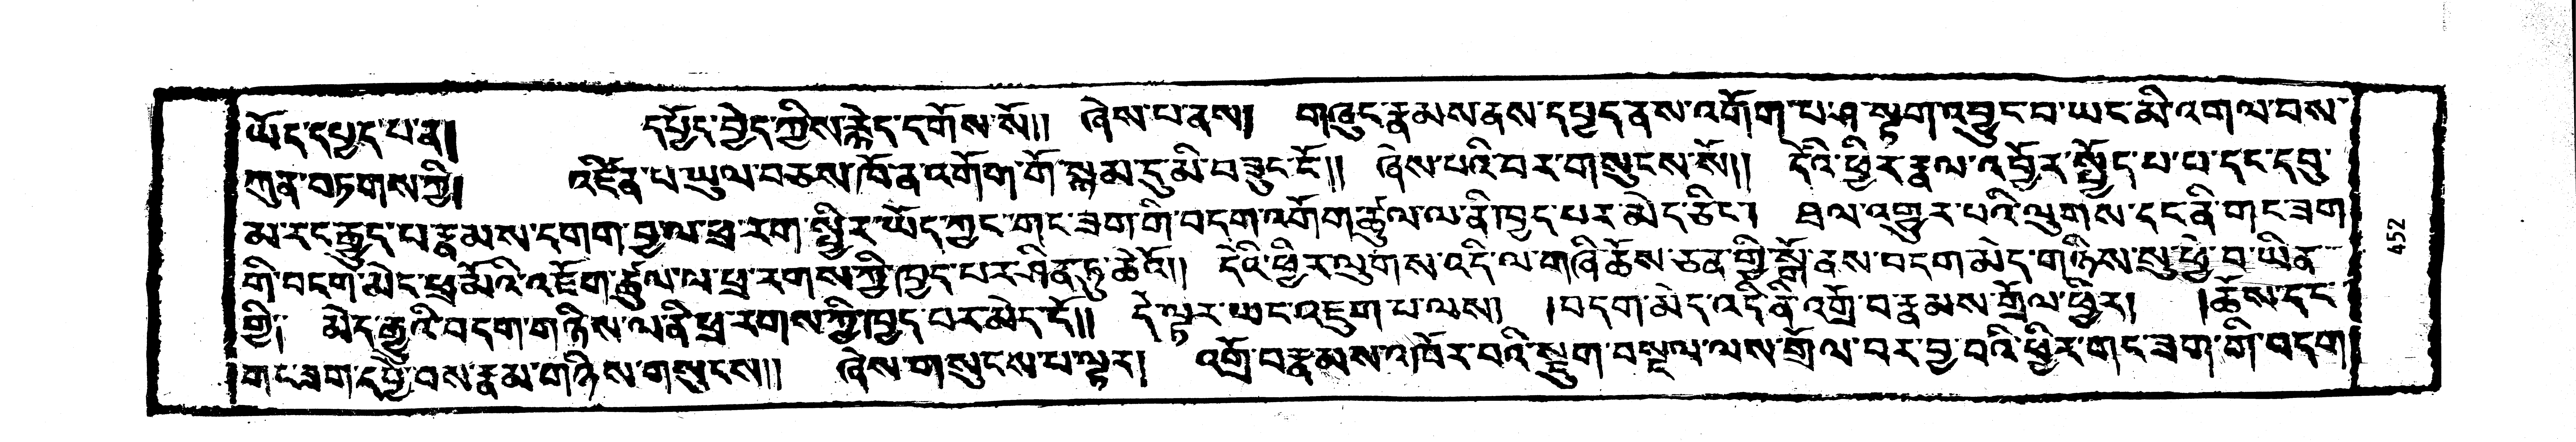ཡོད་དཔྱད་པ་ན། དཔྱོད་བྱེད་ཀྱིས་རྙེད་དགོས་སོ། །ཞེས་པ་ནས། གཞུང་རྣམས་ནས་དཔྱད་ནས་འགོག་པ་ཤ་སྟག་འབྱུང་བ་ཡང་མི་འགལ་བས་
ཀུན་བཏགས་ཀྱི། འཛིན་པ་ཡུལ་བཅས་ཁོ་ན་འགོག་གོ་སྙམ་དུ་མི་བཟུང་ངོ། །ཞེས་པའི་བར་གསུངས་སོ། །དེའི་ཕྱིར་རྣལ་འབྱོར་སྤྱོད་པ་པ་དང་དབུ་
མ་རང་རྒྱུད་པ་རྣམས་དགག་བྱ་ལ་ཕྲ་རག་སྤྱིར་ཡོད་ཀྱང་གང་ཟག་གི་བདག་འགོག་ཚུལ་ལ་ནི་ཁྱད་པར་མེད་ཅིང་། ཐལ་འགྱུར་བའི་ལུགས་དང་ནི་གང་ཟག་
གི་བདག་མེད་ཕྲ་མོའི་འཇོག་ཚུལ་ལ་ཕྲ་རགས་ཀྱི་ཁྱད་པར་ཤིན་ཏུ་ཆེའོ། །དེའི་ཕྱིར་ལུགས་འདི་ལ་གཞི་ཆོས་ཅན་གྱི་སྒོ་ནས་བདག་མེད་གཉིས་སུ་ཕྱེ་བ་ཡིན་
གྱི། མེད་རྒྱུའི་བདག་གཉིས་ལ་ནི་ཕྲ་རགས་ཀྱི་ཁྱད་པར་མེད་དོ། །དེ་ལྟར་ཡང་འཇུག་པ་ལས། །བདག་མེད་འདི་ནི་འགྲོ་བ་རྣམས་གྲོལ་ཕྱིར། །ཆོས་དང་
གང་ཟག་དབྱེ་བས་རྣམ་གཉིས་གསུངས། །ཞེས་གསུངས་པ་ལྟར། འགྲོ་བ་རྣམས་འཁོར་བའི་སྡུག་བསྔལ་ལས་གྲོལ་བར་བྱ་བའི་ཕྱིར་གང་ཟག་གི་བདག་